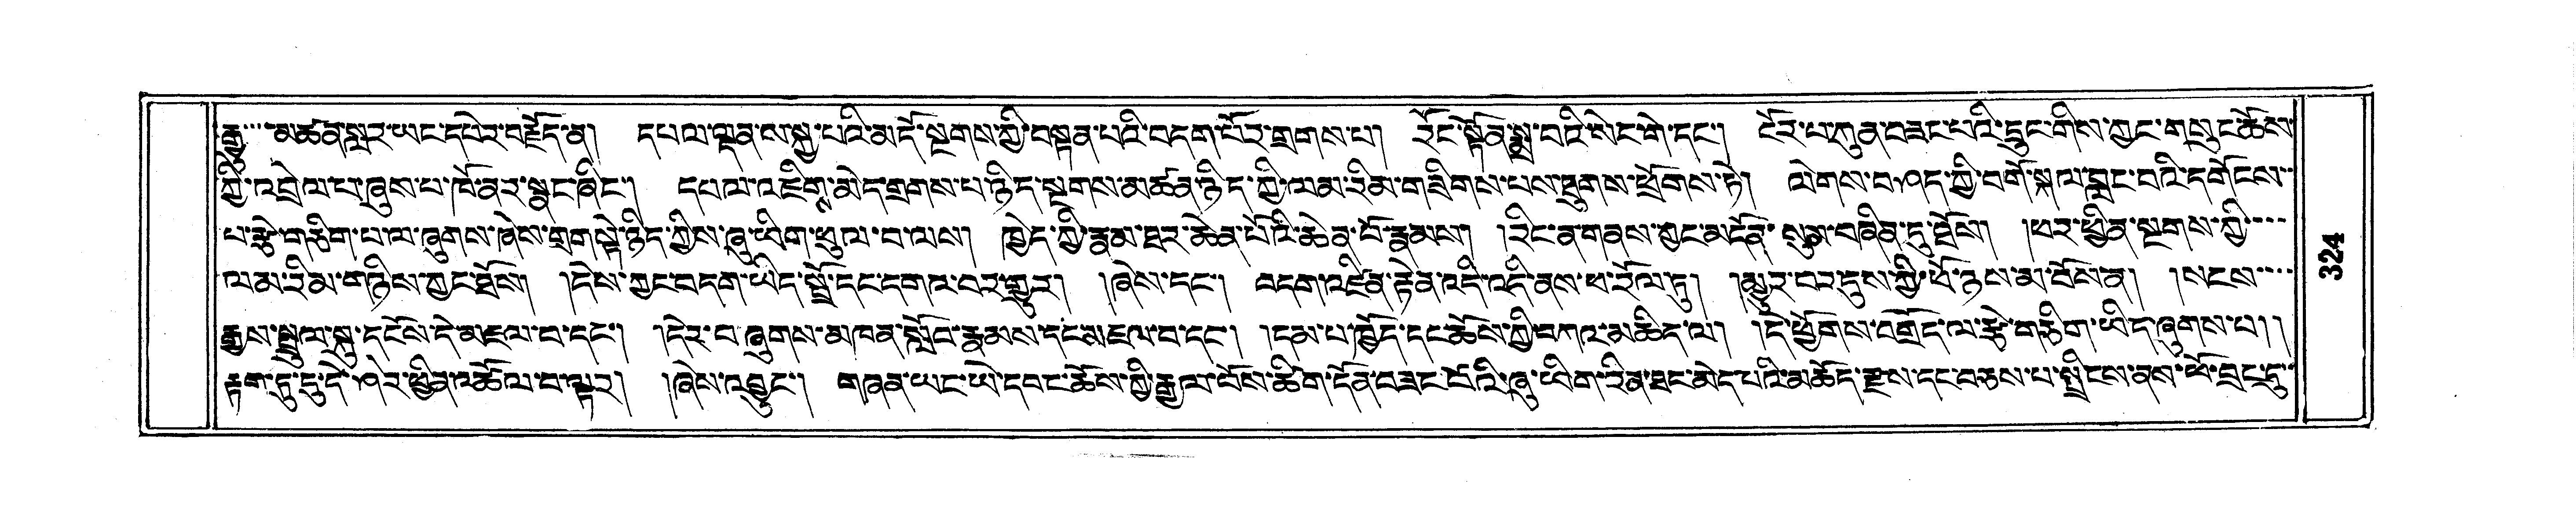རྒྱུ་མཚན་སླར་ཡང་དཔེར་བརྗོད་ན། དཔལ་ལྡན་ས་སྐྱ་པའི་མདོ་སྔགས་ཀྱི་བསྟན་པའི་བདག་པོར་གྲགས་པ། རོང་སྟོན་སྨྲ་བའི་སེང་གེ་དང་། ངོར་པ་ཀུན་བཟང་པའི་དྲུང་གིས་ཀྱང་གསུང་ཆོས་
ཀྱི་འབྲེལ་པ་ཞུས་པ་ཁོ་ནར་སྣང་ཞིང་། དཔལ་འཇིགས་མེད་གྲགས་པ་ཉིད་སྔགས་མཚན་ཉིད་ཀྱི་ལམ་རིམ་གཟིགས་པས་ཐུགས་ཕྲོགས་ཏེ། ལེགས་བཤད་ཀྱི་བགོ་སྐལ་བླང་བའི་དགོངས་
པ་རྩེ་གཅིག་པ་ལ་ཞུགས་ཞེས་གྲག་སྡེ་ཉིད་ཀྱིས་ཞུ་ཡིག་ཕུལ་བ་ལས། ཁྱེད་ཀྱི་རྣམ་ཐར་ཆེན་པོའི་ཆེན་པོ་རྣམས། །རིང་ན་གནས་ཀྱང་མངོན་སུམ་བཞིན་དུ་ཐོས། །ཕར་ཕྱིན་སྔགས་ཀྱི་
ལམ་རིམ་གཉིས་ཀྱང་ཐོས། །དེས་ཀྱང་བདག་ཡིད་སྦྲོ་དང་དགའ་བར་གྱུར། །ཞེས་དང་། བདག་འཛིན་རྟེན་འདི་འདི་ནས་ཕ་རོལ་ཏུ། །མྱུར་བར་དུས་ཀྱི་ཕོ་ཉས་མ་བོས་ན། །སངས་
རྒྱས་སྤྲུལ་སྐུ་དངོས་དེ་མཇལ་བ་དང་། །དེར་བ་ཞུགས་མཁན་སློབ་རྣམ་དང་མཇལ་བ་དང་། །དམ་པ་ཁྱོད་དང་ཆོས་ཀྱི་བཀའ་མཆིད་ལ། །དེ་ཕྱོགས་བགྲོད་ལ་རྩེ་གཅིག་ཡིད་ཞུགས་པ།།
རྟག་ཏུ་དུ་དེ་ཤེར་ཕྱིན་འཚོལ་བ་ལྟར། །ཞེས་འབྱུང་། གཞན་ཡང་ཡེ་དབང་ཆོས་ཀྱི་རྒྱལ་པོས་ཚིག་དོན་བཟང་པོའི་ཞུ་ཡིག་རིན་ཐང་མེད་པའི་མཆོད་རྫས་དང་བཅས་པ་སྤྲིངས་ནས་ཕོ་བྲང་དུ་